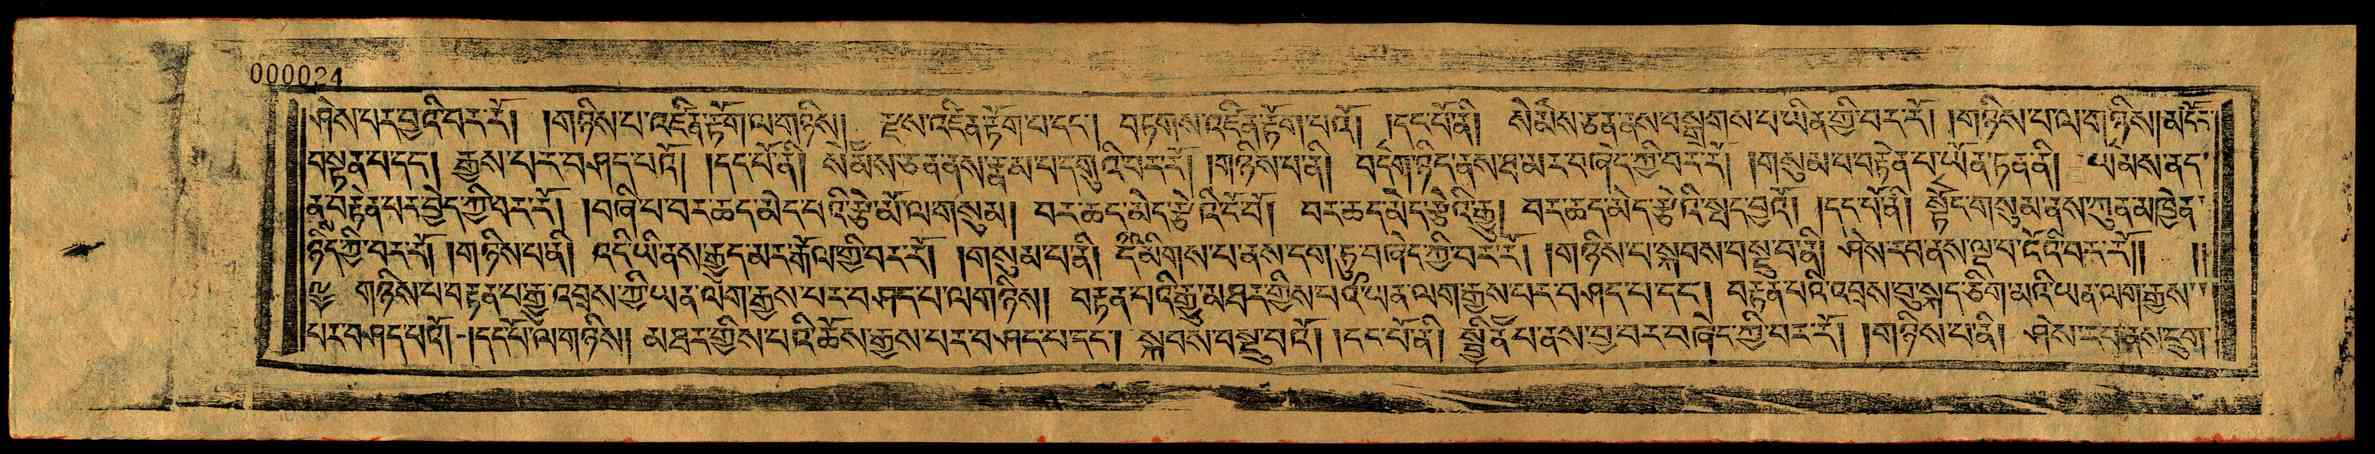ཤེས་པར་བྱའི་བར་རོ། །གཉིས་པ་འཛིན་རྟོག་ལ་གཉིས། རྫས་འཛིན་རྟོག་པ་དང་། བཏགས་འཛིན་རྟོག་པའོ། །དང་པོ་ནི། སེམས་ཅན་ནས་བསྒྲགས་པ་ཡིན་གྱི་བར་རོ། །གཉིས་པ་ལ་གཉིས། མདོས་
བསྟན་པ་དང་། རྒྱས་པར་བཤད་པའོ། །དང་པོ་ནི། སེམས ༤་ཅན་ནས་རྣམ་པ་དགུའི་བར་རོ། །གཉིས་པ་ནི། ༨་བདག་ཉིད་ནས་ཐ་མར་བཞེད་ཀྱི་བར་རོ། །གསུམ་པ་བརྟེན་པ་ཡོན་ཏན་ནི། ཡེམས་ནད་
ནས་བརྟེན་པར་བྱེད་ཀྱི་བར་རོ། །བཞི་པ་བར་ཆད་མེད་པའི་རྩེ་མོ་ལ་གསུམ། བར་ཆད་མེད་རྩེའི་ངོ་བོ། བར་ཆད་མེད་རྩེའི་རྒྱུ། བར་ཆད་མེད་རྩེའི་སྤང་བྱའོ། །དང་པོ་ནི། སྟོང་གསུམ་ནས་ཀུན་མཁྱེན་
ཉིད་ཀྱི་བར་རོ། །གཉིས་པ་ནི། འདི་ཡི་ནས་རྒྱུད་མར་རྒོལ་གྱི་བར་རོ། །གསུམ་པ་ནི། ༡༢་དམིགས་པ་ནས་དག་ཏུ་བཞེད་ཀྱི་བར་རོ། །གཉིས་པ་སྐབས་བསྡུ་བ་ནི། ཤེས་རབ་ནས་ལྔ་པ་འོའི་བར་རོ།། །།
༈ གཉིས་པ་བརྟན་པ་རྒྱུ་འབྲས་ཀྱི་ཡན་ལག་རྒྱས་པར་བཤད་པ་ལ་གཉིས། བརྟན་པའི་རྒྱུ་མཐར་གྱིས་པའི་ཡན་ལག་རྒྱས་པར་བཤད་པ་དང་། བརྟན་པའི་འབྲས་བུ་སྐད་ཅིག་མའི་ཡན་ལག་རྒྱས་
པར་བཤད་པའོ། །དང་པོ་ལ་གཉིས། མཐར་གྱིས་པའི་ཆོས་རྒྱས་པར་བཤད་པ་དང་། སྐབས་བསྡུ་བའོ། །དང་པོ་ནི། སྦྱིན ༤་པ་ནས་བྱ་བར་བཞེད་ཀྱི་བར་རོ། །གཉིས་པ་ནི། ཤེས་རབ་ནས་དྲུག་